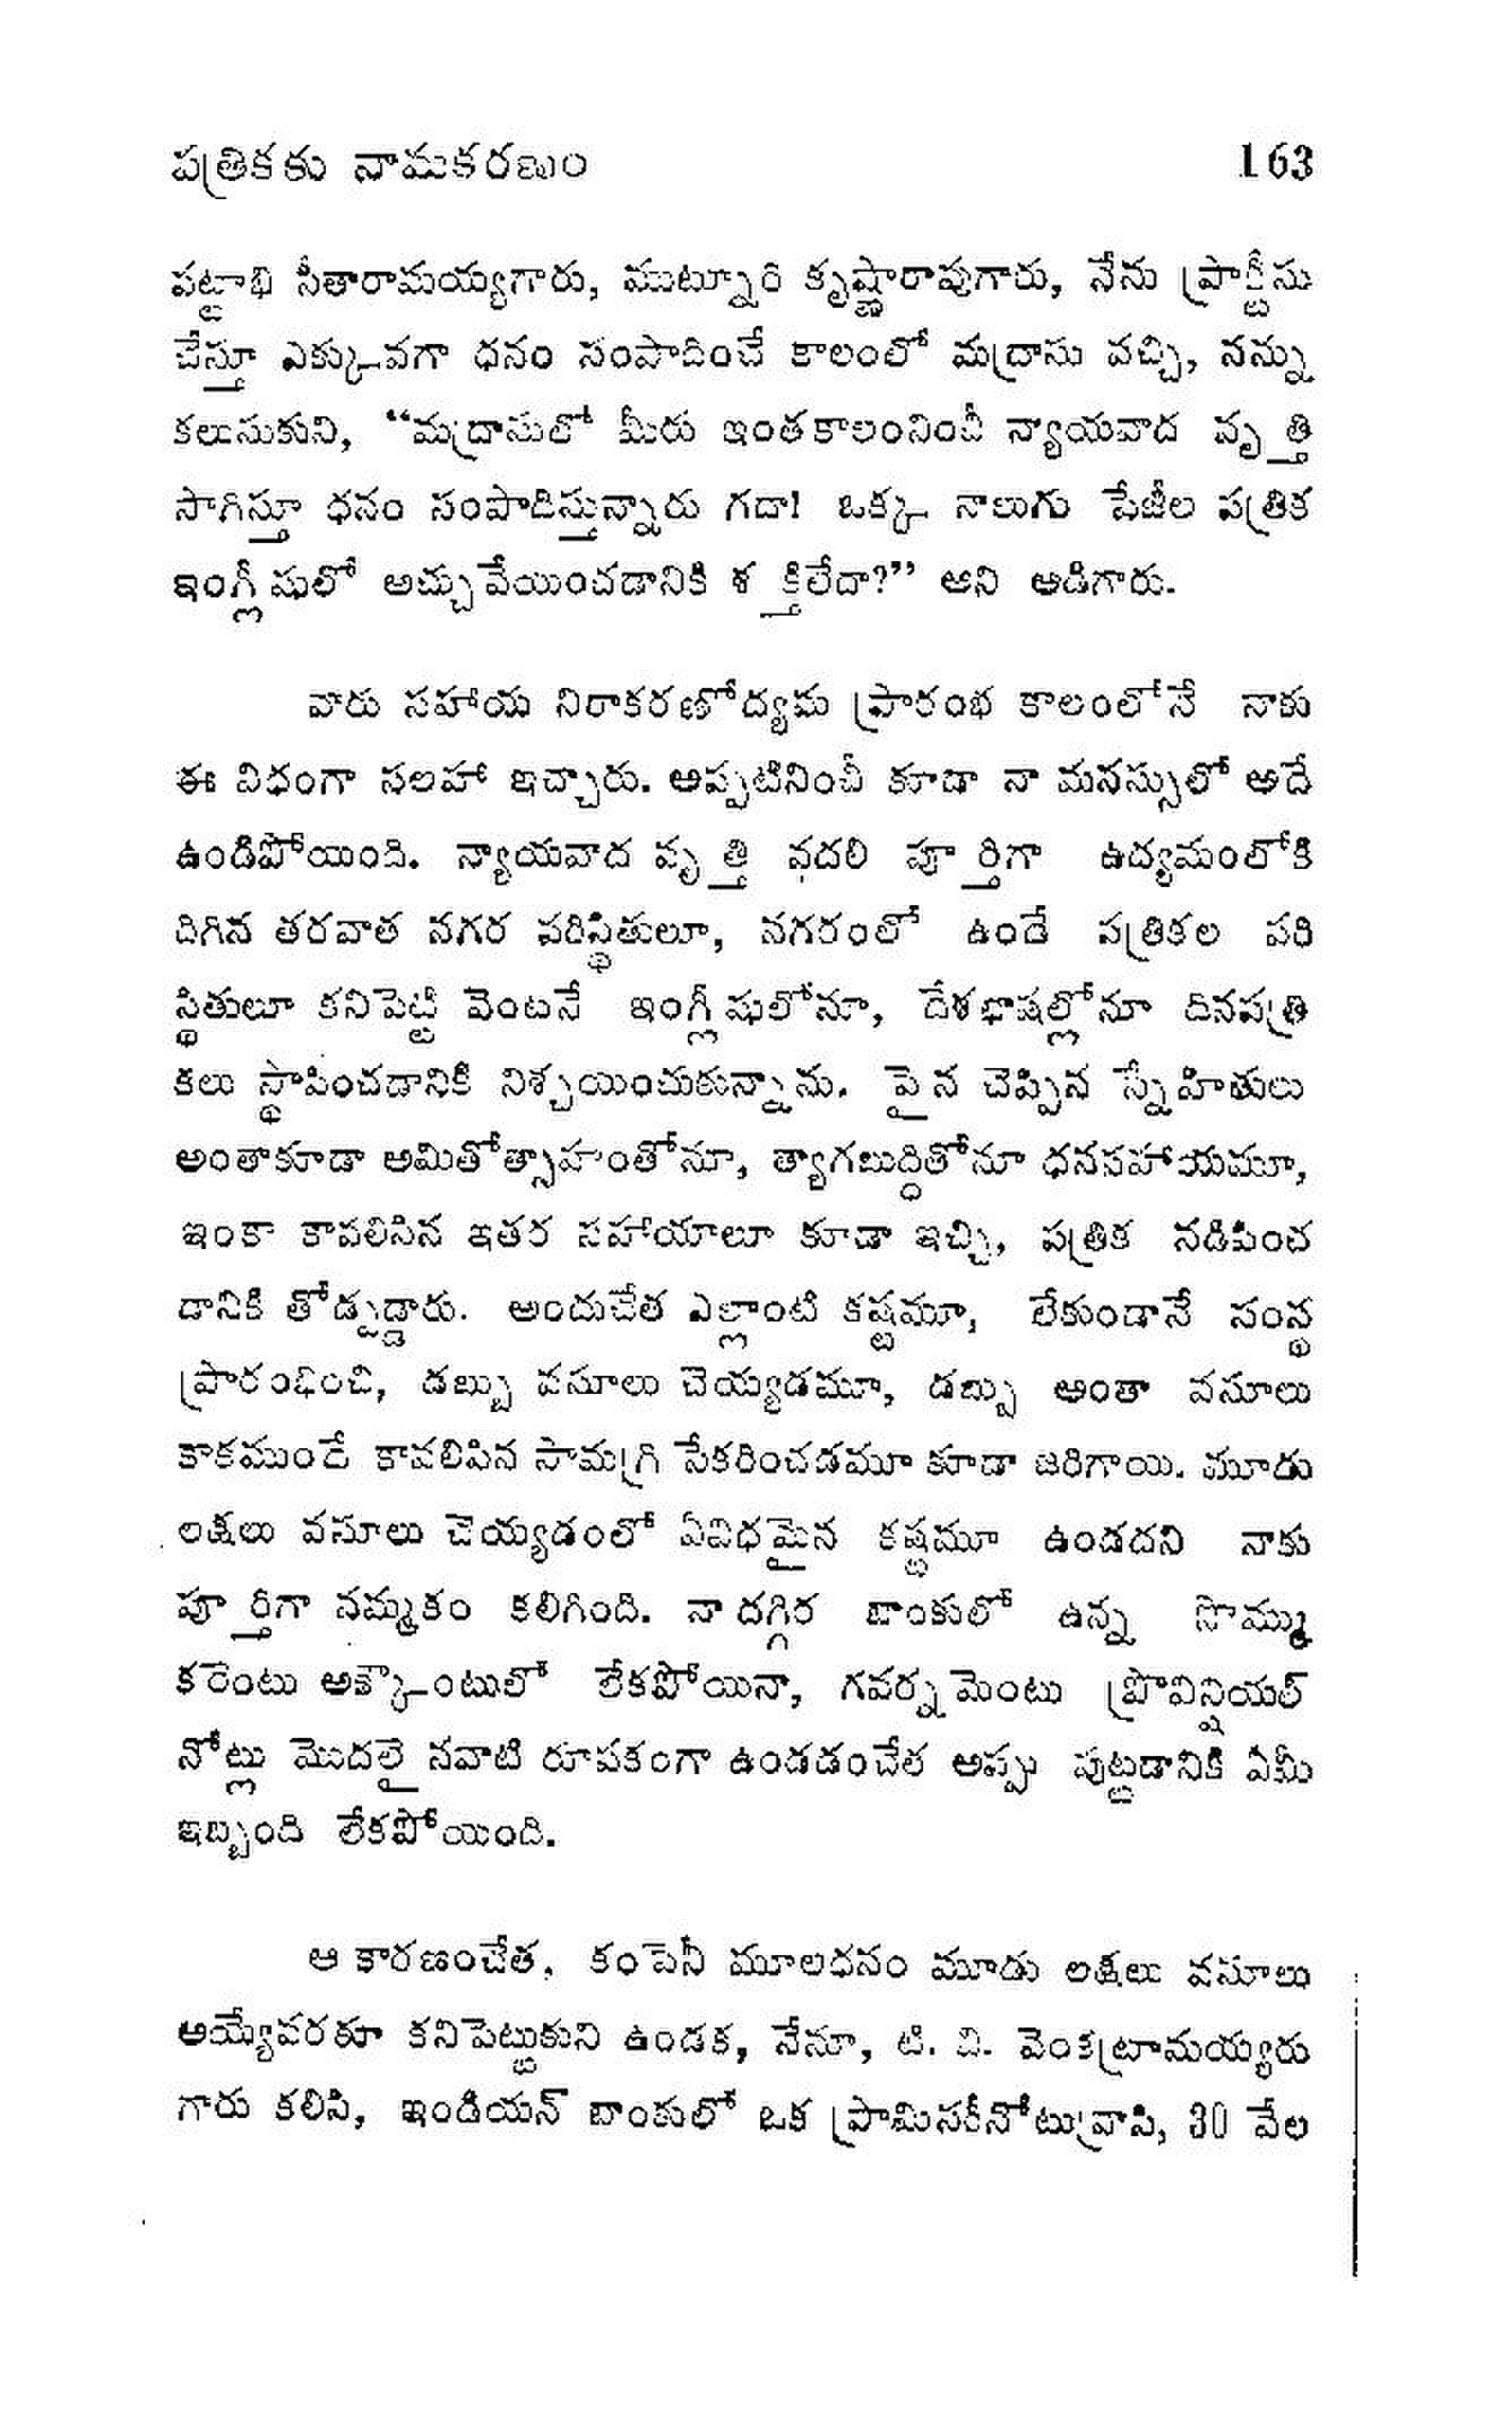పట్టాభి సీతారామయ్యగారు, ముట్నూరి కృష్ణారావుగారు, నేను ప్రాక్టీసు చేస్తూ ఎక్కువగా ధనం సంపాదించే కాలంలో మద్రాసు వచ్చి, నన్ను కలుసుకుని, "మద్రాసులో మీరు ఇంతకాలంనించీ న్యాయవాద వృత్తి సాగిస్తూ ధనం సంపాదిస్తున్నారు గదా! ఒక్క నాలుగు పేజీల పత్రిక ఇంగ్లీషులో అచ్చువేయించడానికి శక్తిలేదా?" అని అడిగారు.

వారు సహాయ నిరాకరణోద్యమ ప్రారంభ కాలంలోనే నాకు ఈ విధంగా సలహా ఇచ్చారు. అప్పటినించీ కూడా నా మనస్సులో అదే ఉండిపోయింది. న్యాయవాద వృత్తి వదలి పూర్తిగా ఉద్యమంలోకి దిగిన తరవాత నగర పరిస్థితులూ, నగరంలో ఉండే పత్రికల పరిస్థితులూ కనిపెట్టి వెంటనే ఇంగ్లీషులోనూ, దేశభాషల్లోనూ దినపత్రికలు స్థాపించడానికి నిశ్చయించుకున్నాను. పైన చెప్పిన స్నేహితులు అంతాకూడా అమితోత్సాహంతోనూ, త్యాగబుద్ధితోనూ ధనసహాయమూ, ఇంకా కావలిసిన ఇతర సహాయాలూ కూడా ఇచ్చి, పత్రిక నడిపించడానికి తోడ్పడ్డారు. అందుచేత ఎల్లాంటి కష్టమూ, లేకుండానే సంస్థ ప్రారంభించి, డబ్బు వసూలు చెయ్యడమూ, డబ్బు అంతా వసూలు కాకముందే కావలసిన సామగ్రి సేకరించడమూ కూడా జరిగాయి. మూడు లక్షలు వసూలు చెయ్యడంలో ఏవిధమైన కష్టమూ ఉండదని నాకు పూర్తిగా నమ్మకం కలిగింది. నా దగ్గిర బాంకులో ఉన్న సొమ్ము కరెంటు అక్కౌంటులో లేకపోయినా, గవర్నమెంటు ప్రొవిన్షియల్ నోట్లు మొదలైనవాటి రూపకంగా ఉండడంచేత అప్పు పుట్టడానికి ఏమీ ఇబ్బంది లేకపోయింది.

ఆ కారణంచేత, కంపెనీ మూలధనం మూడు లక్షలు వసూలు అయ్యేవరకూ కనిపెట్టుకుని ఉండక, నేనూ, టి. వి. వెంకట్రామయ్యరుగారు కలిసి, ఇండియన్ బాంకులో ఒక ప్రామిసరీనోటువ్రాసి, 30 వేల